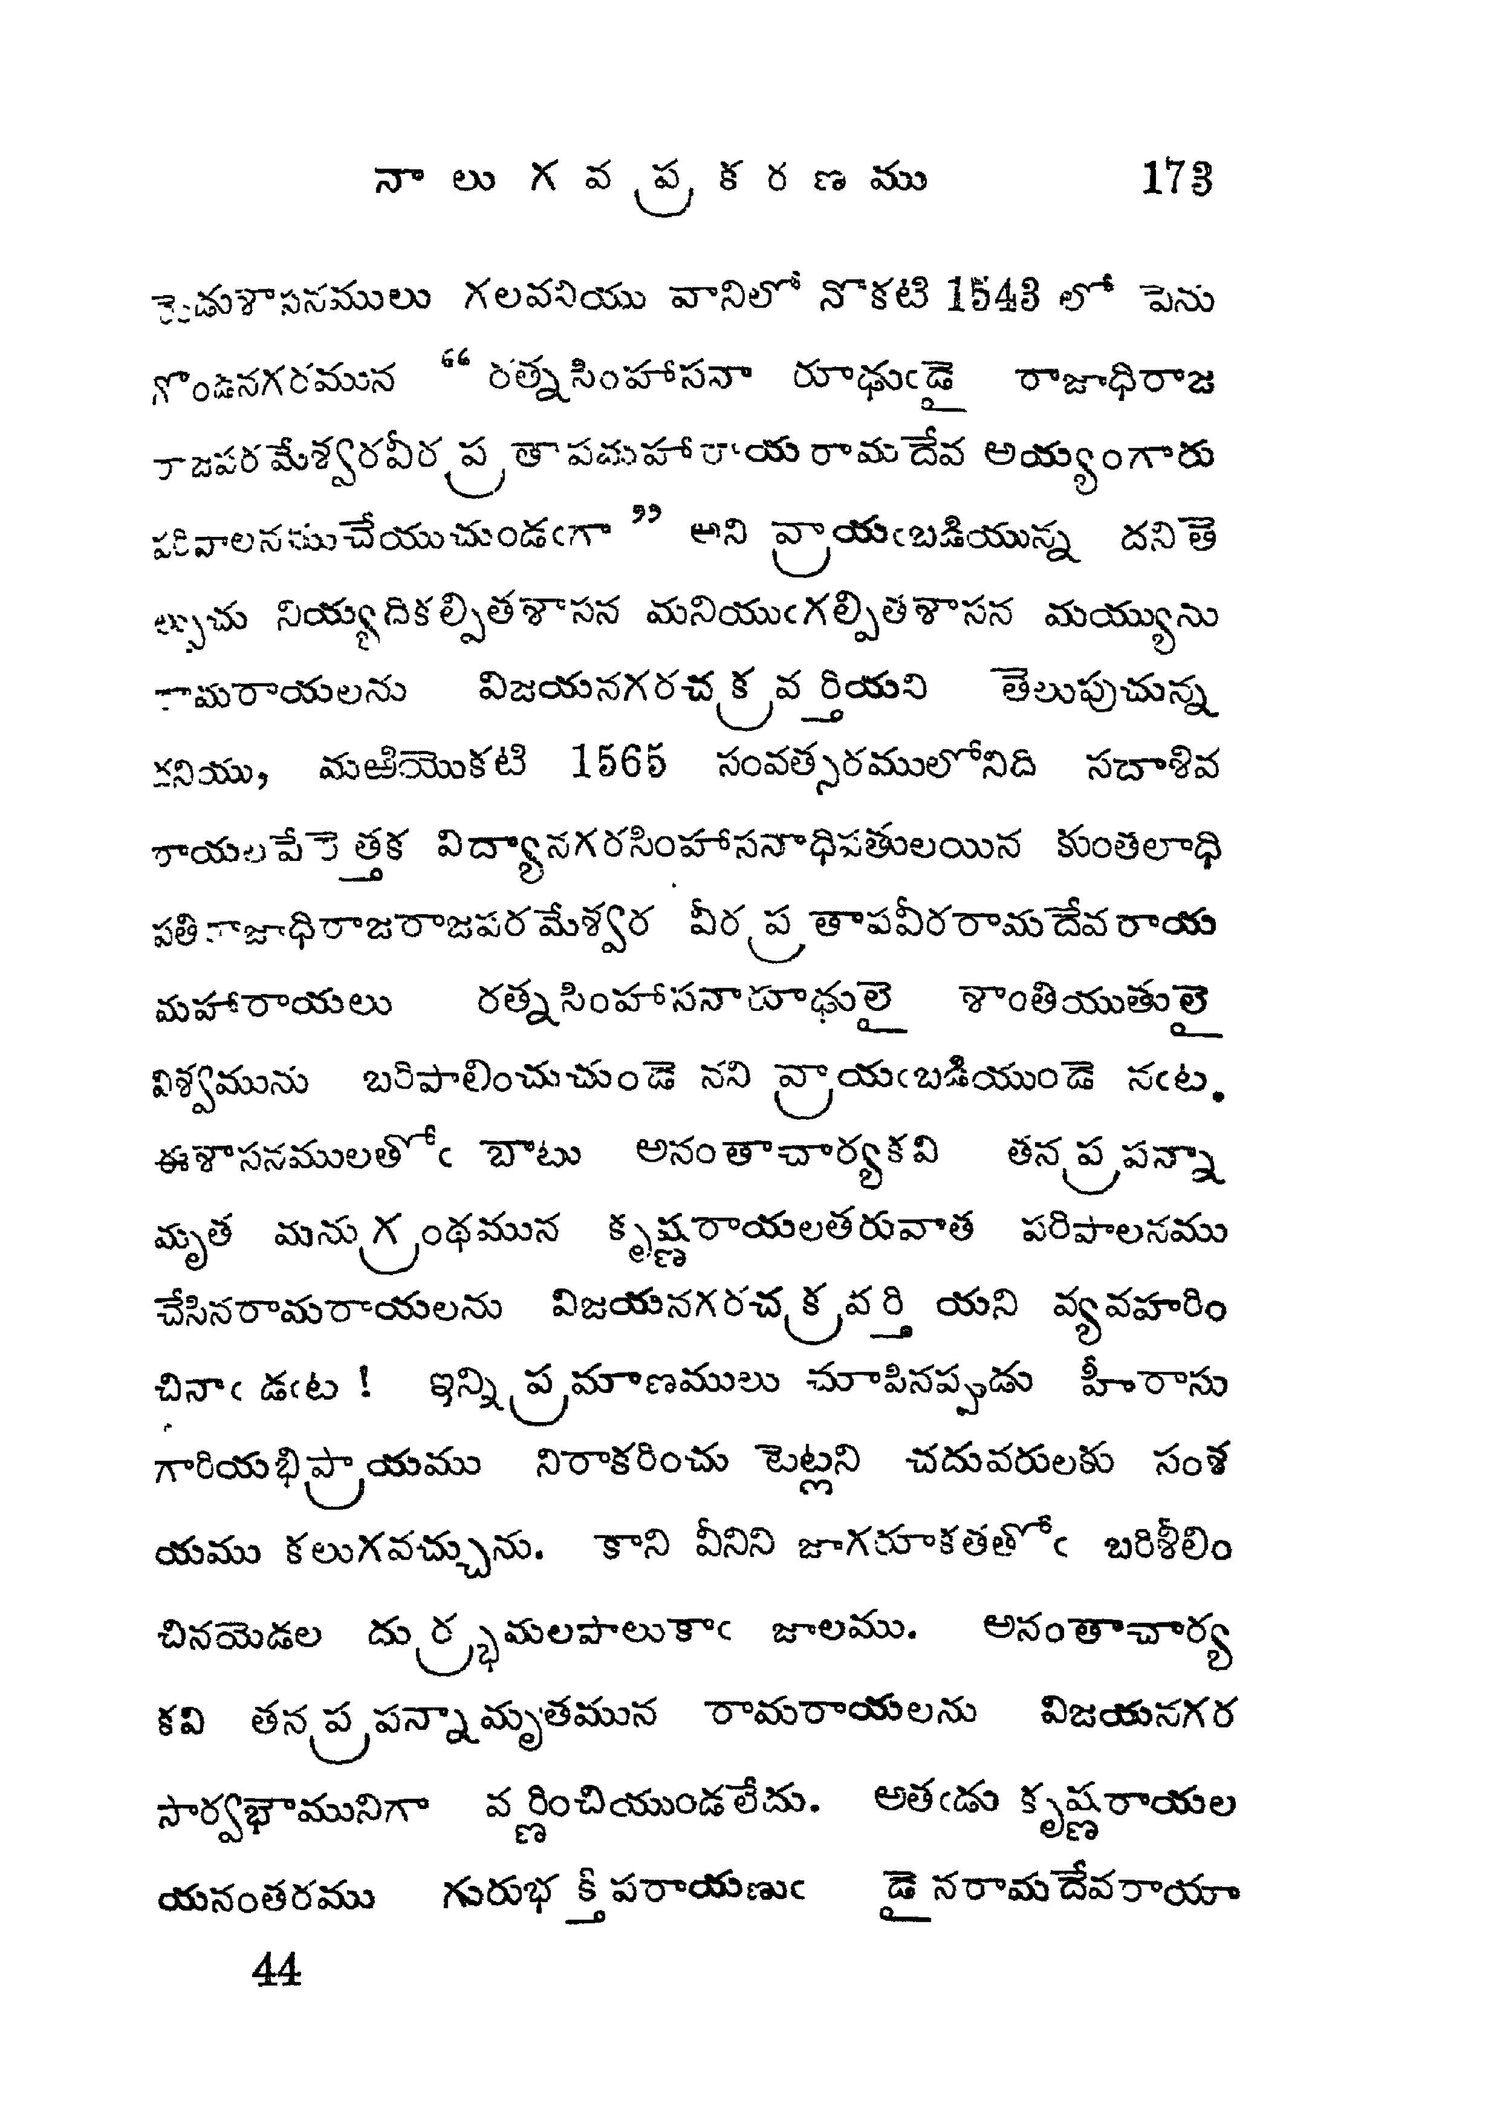రెండుశాసనములు గలవనియు వానిలో నొకటి 1543లో పెనుగొండనగరమున "రత్నసింహాసనా రూడుడై రాజాధిరాజ రాజపరమేశ్వరవీరప్రతాప మహారాయరామదేవ అయ్యంగారు పరిపాలనము చేయుచుండగా" అని వ్రాయబడియున్న దనితెల్పుచు నియ్యదికల్పితశాసన మనియు గల్పితశాసన మయ్యును రామరాయలను విజయనగరచక్రవర్తియని తెలుపుచున్నదనియు, మఱియొకటి 1565 సంవత్సరములోనిది సదాశివరాయలపేరెత్తక విద్యానగరసింహాసనాధిపతులయిన కుంతలాధిపతి రాజాధిరాజ రాజపరమేశ్వర వీరప్రతాపవీరరామదేవరాయ మహారాయలు రత్నసింహాసనారూడులై శాంతియుతులై విశ్వమును బరిపాలించుచుండె నని వ్రాయబడియుండె నట. ఈశాసనములతో బాటు అనంతాచార్యకవి తనప్రపన్నామృత మనుగ్రంథమున కృష్ణరాయలతరువాత పరిపాలనము చేసినరామరాయలను విజయనగరచక్రవర్తి యని వ్యవహరించినా డట ! ఇన్నిప్రమాణములు చూపినప్పుడు హీరాసు గారియభిప్రాయము నిరాకరించు టెట్లని చదువరులకు సంశయము కలుగవచ్చును. కాని వీనిని జాగరూకతతో బరిశీలించినయెడల దుర్ర్భమలపాలుకా జాలము. అనంతాచార్య కవి తనప్రపన్నామృతమున రామరాయలను విజయనగర సార్వభౌమునిగా వర్ణించియుండలేదు. అతడు కృష్ణరాయల యనంతరము గురుభక్తిపరాయణు డైనరామదేవరాయా